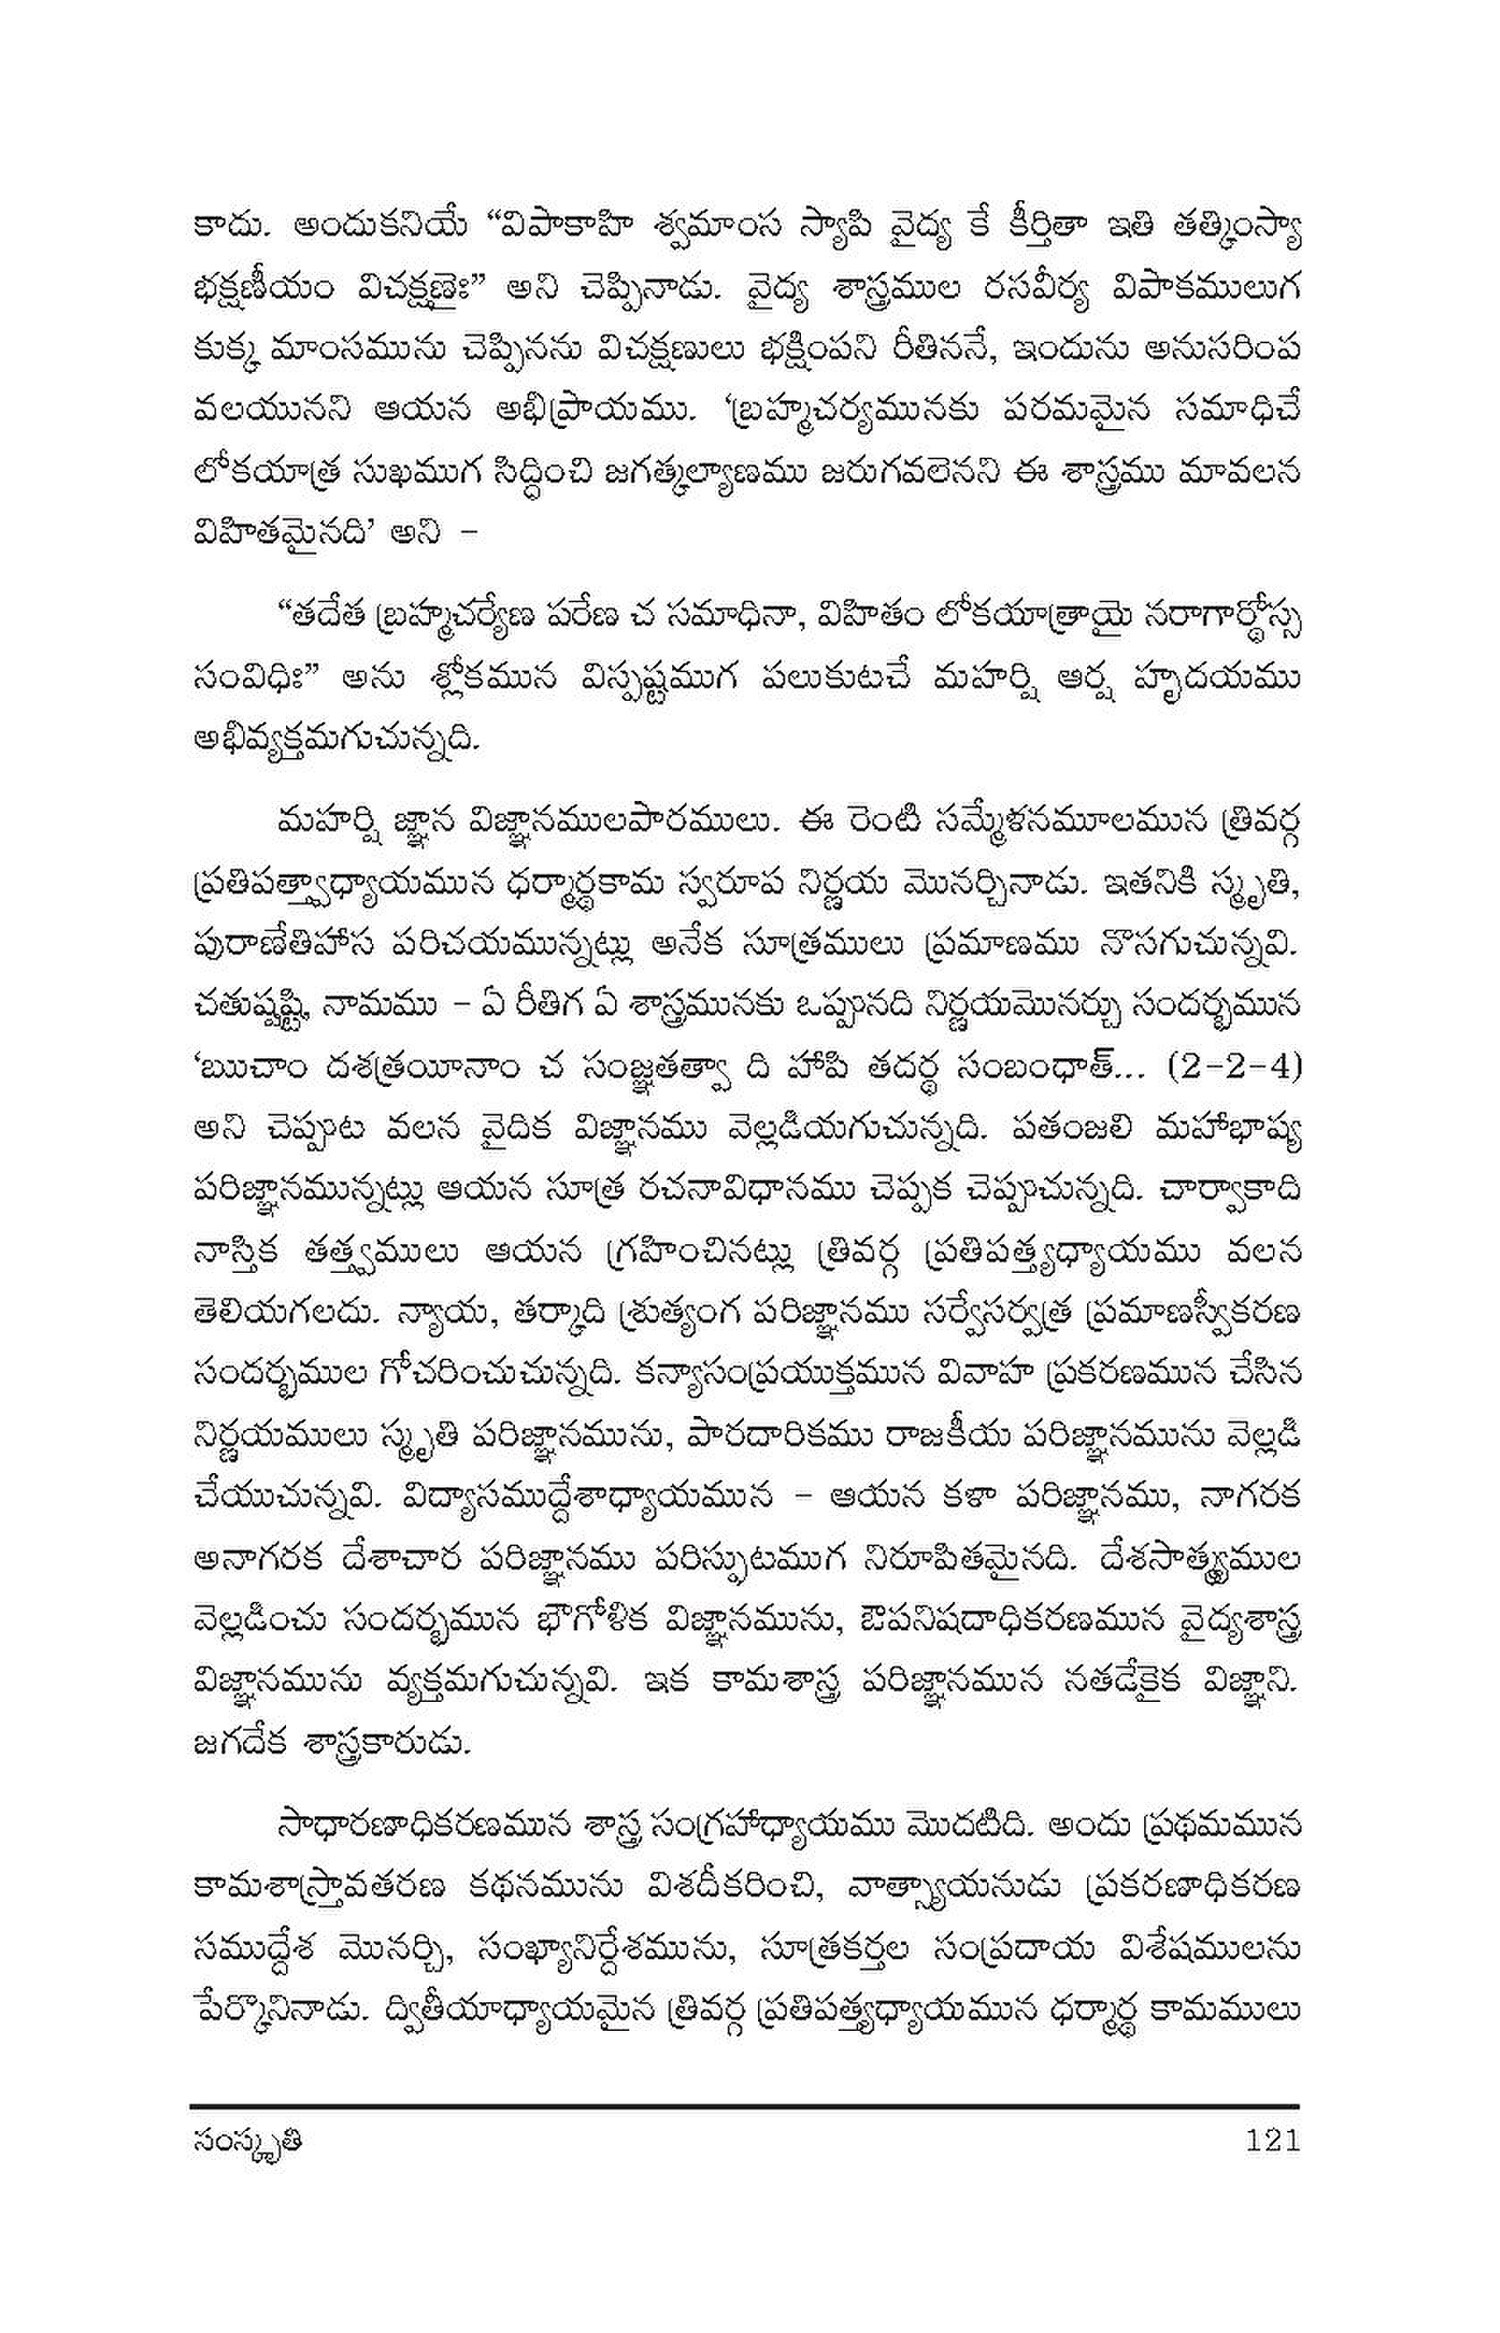కాదు. అందుకనియే "విపాకాహి శ్వమాంస స్యాపి వైద్య కే కీర్తితా ఇతి తత్కింస్యా
భక్షణీయం విచక్షణైః" అని చెప్పినాడు. వైద్య శాస్త్రములు రసవీర్య విపాకములుగ
కుక్క మాంసమును చెప్పినను విచక్షణులు భక్షింపని రీతిననే, ఇందును అనుసరింప వలయునని ఆయన అభిప్రాయము. 'బ్రహ్మచర్యమునకు పరమమైన సమాధిచే లోకయాత్ర సుఖముగ సిద్ధించి జగత్కల్యాణము జరుగవలెనని ఈ శాస్త్రము మావలన విహితమైనది' అని -

“తదేత బ్రహ్మచర్యేణ పరేణ చ సమాధినా, విహితం లోకయాత్రాయై నరాగార్థీస్స
సంవిధిః" అను శ్లోకమున విస్పష్టముగ పలుకుటచే మహర్షి ఆర్ష హృదయము
అభివ్యక్తమగుచున్నది.

మహర్షి జ్ఞాన విజ్ఞానములపారములు. ఈ రెంటి సమ్మేళనమూలమున త్రివర్గ
ప్రతిపత్త్వాధ్యాయమున ధర్మార్థకామ స్వరూప నిర్ణయ మొనర్చినాడు. ఇతనికి స్మృతి, పురాణేతిహాస పరిచయమున్నట్లు అనేక సూత్రములు ప్రమాణము నొసగుచున్నవి. చతుష్షష్టి, నామము - ఏ రీతిగ ఏ శాస్త్రమునకు ఒప్పునది నిర్ణయమొనర్చు సందర్భమున 'ఋచాం దశత్రయీనాం చ సంజ్ఞతత్వా ది హాపి తదర సంబంధాత్... (2-2-4) అని చెప్పుట వలన వైదిక విజ్ఞానము వెల్లడియగుచున్నది. పతంజలి మహాభాష్య పరిజ్ఞానమున్నట్లు ఆయన సూత్ర రచనావిధానము చెప్పక చెప్పుచున్నది. చార్వాకాది నాస్తిక తత్త్వములు ఆయన గ్రహించినట్లు త్రివర్గ ప్రతిపత్త్యధ్యాయము వలన తెలియగలదు. న్యాయ, తర్కాది శ్రుత్యంగ పరిజ్ఞానము సర్వేసర్వత్ర ప్రమాణస్వీకరణ సందర్భముల గోచరించుచున్నది. కన్యాసంప్రయుక్తమున వివాహ ప్రకరణమున చేసిన నిర్ణయములు స్మృతి పరిజ్ఞానమును, పారదారికము రాజకీయ పరిజ్ఞానమును వెల్లడి చేయుచున్నవి. విద్యాసముద్దేశాధ్యాయమున - ఆయన కళా పరిజ్ఞానము, నాగరక అనాగరక దేశాచార పరిజ్ఞానము పరిస్ఫుటముగ నిరూపితమైనది. దేశసాత్మ్యముల
వెల్లడించు సందర్భమున భౌగోళిక విజ్ఞానమును, ఔపనిషదాధికరణమున వైద్యశాస్త్ర
విజ్ఞానమును వ్యక్తమగుచున్నవి. ఇక కామశాస్త్ర పరిజ్ఞానమున నతడేకైక విజ్ఞాని.
జగదేక శాస్త్రకారుడు.

సాధారణాధికరణమున శాస్త్ర సంగ్రహాధ్యాయము మొదటిది. అందు ప్రథమమున
కామశాస్త్రావతరణ కథనమును విశదీకరించి, వాత్స్యాయనుడు ప్రకరణాధికరణ
సముద్దేశ మొనర్చి, సంఖ్యానిర్దేశమును, సూత్రకర్తల సంప్రదాయ విశేషములను
పేర్కొనినాడు. ద్వితీయాధ్యాయమైన త్రివర్గ ప్రతిపత్త్యధ్యాయమున ధర్మార్థ కామములు